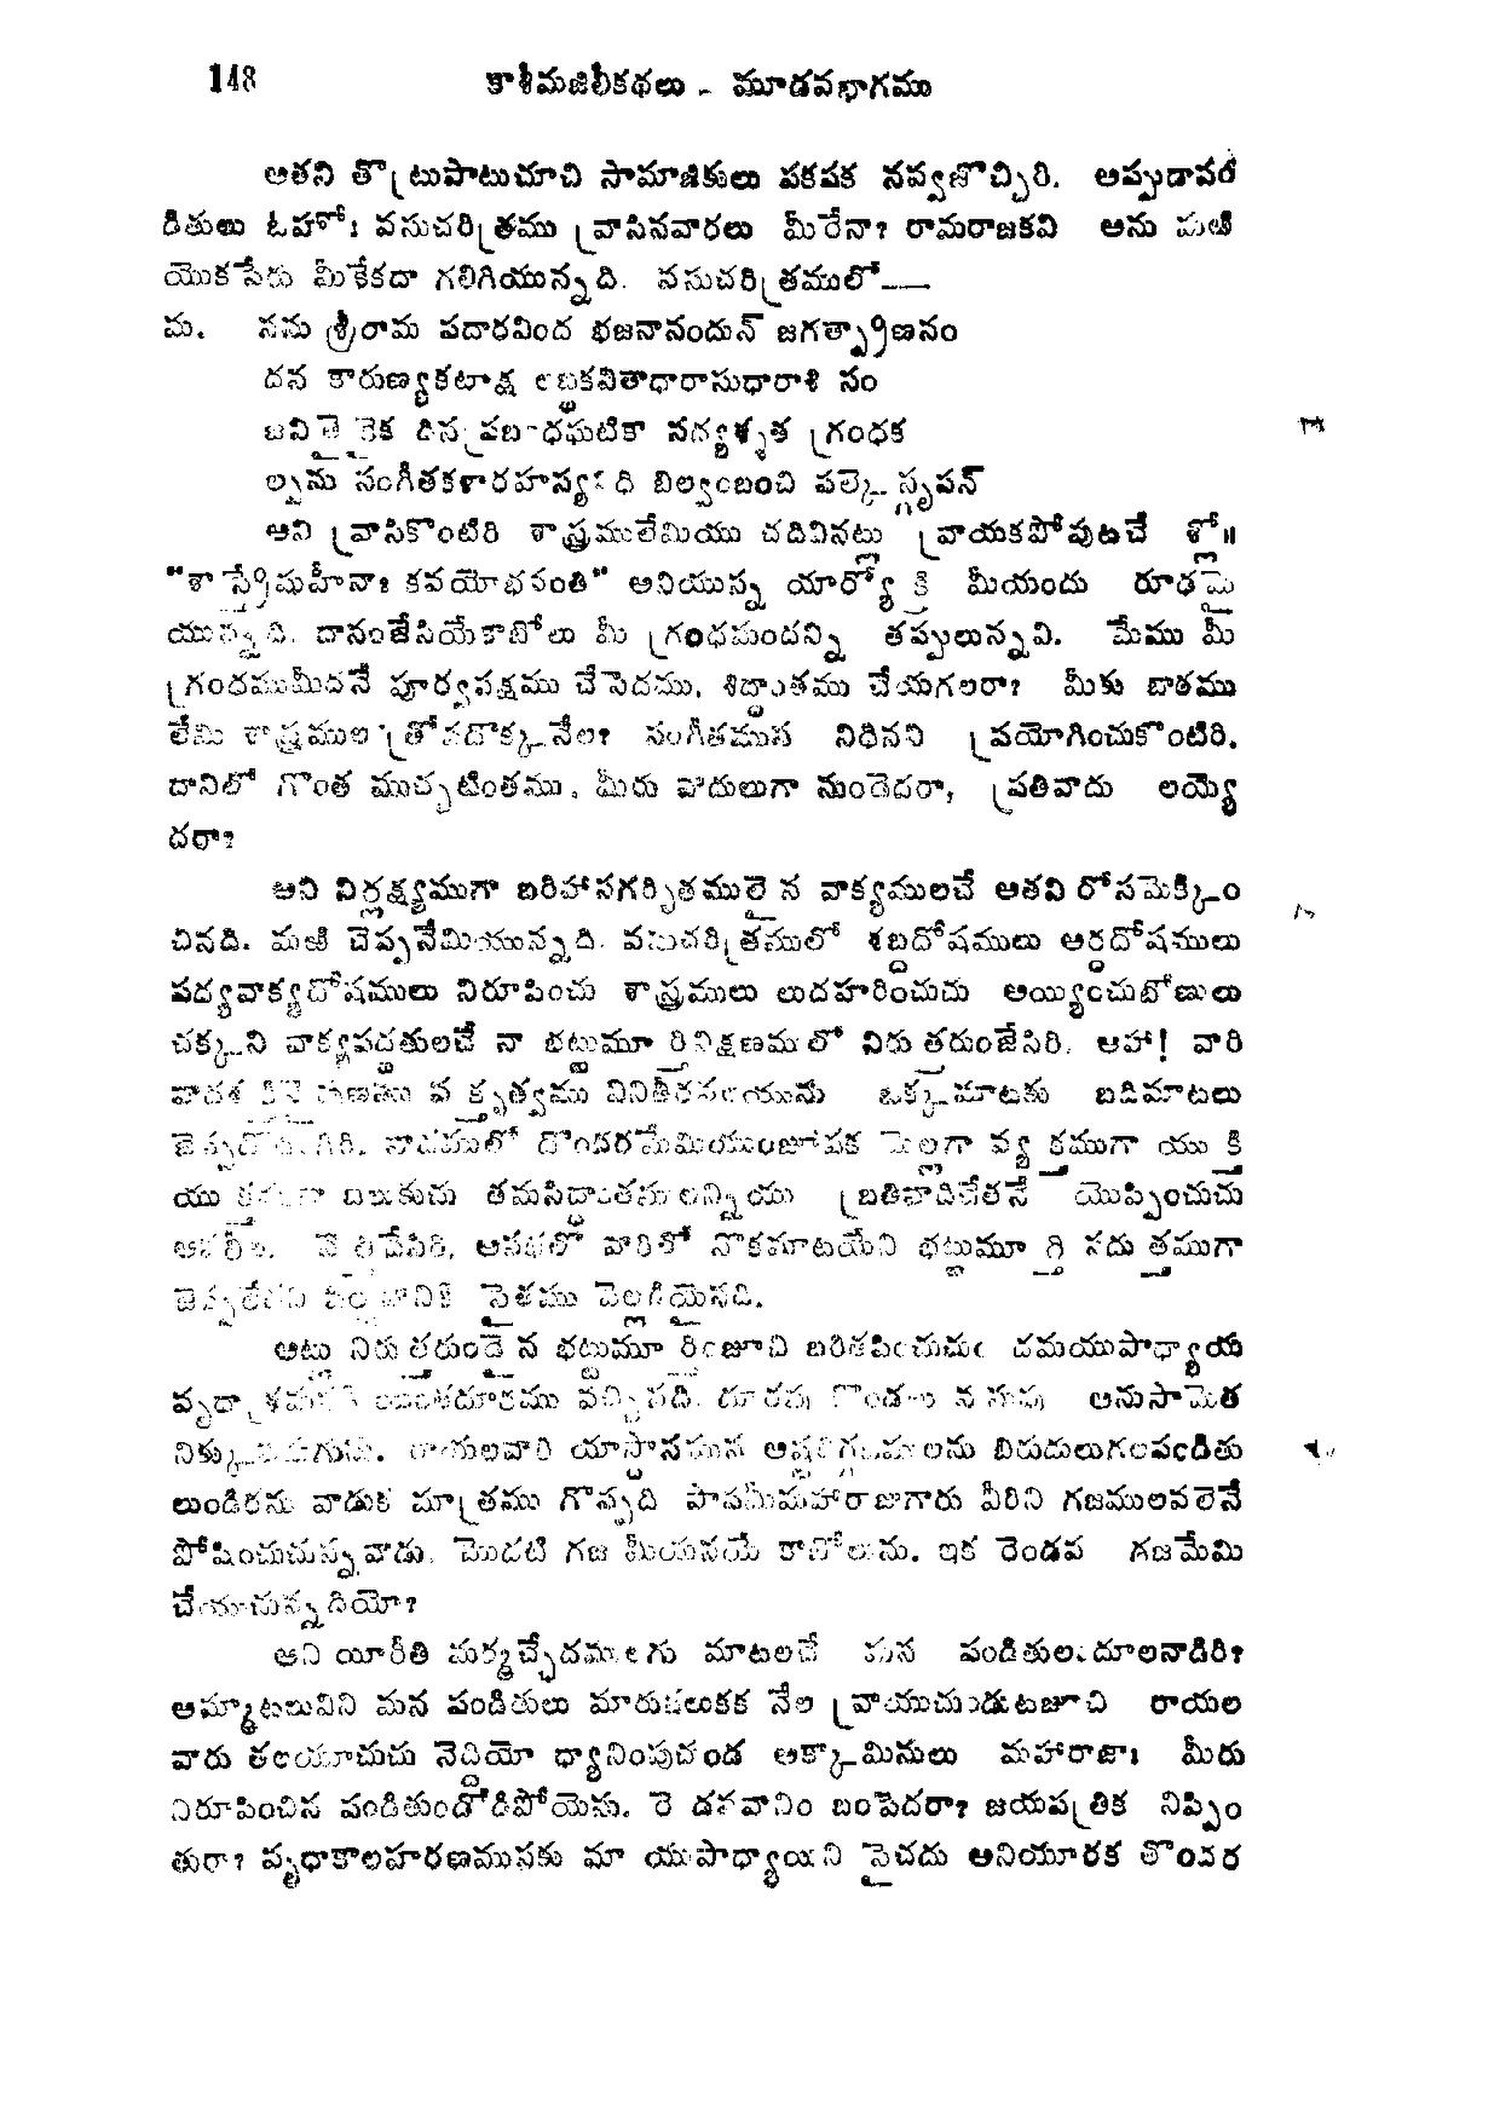ఆతని తొట్రుపాటుచూచి సామాజికులు పకపక నవ్వజొచ్చిరి. అప్పుడాపండితులు ఓహో! వసుచరిత్రము వ్రాసినవారలు మీరేనా? రామరాజకవి అను మఱియొకపేరు మీకేకదా గలిగియున్నది. వసుచరిత్రములో-

మ. నను శ్రీరామ పదారవింద భజనానందున్ జగత్ప్రాణనం
 దన కారుణ్యకటాక్ష లబ్థకవితాధారాసుధారాశి సం
 జనితై కైక దినప్రబంధఘటికా నద్యశ్శత గ్రంథక
 ల్పను సంగీతకళారహస్యనిధి బిల్వంబంచి పల్కె న్గృపన్.
అని వ్రాసికొంటిరి. శాస్త్రములేమియు చదివినట్లు వ్రాయకపోవుటచే శ్లో॥"శాస్త్రేషుహీనాః కవయోభవంతి " అనియున్న యార్యోక్తి మీయందు రూఢమై యున్నది. దానంజేసియేకాబోలు మీ గ్రంథమందన్ని తప్పులున్నవి. మేము మీ గ్రంథముమీదనే పూర్వపక్షము చేసెదము. శిద్దాంతము చేయగలరా? మీకు బాఠము లేమి శాస్త్రముల త్రోవదొక్కనేల? సంగీతమున నిధినని ప్రయోగించుకొంటిరి. దానిలో గొంత ముచ్చటింతము. మీరు వాదులుగా నుండెదరా, ప్రతివాదు లయ్యెదరా?

అని నిర్లక్ష్యముగా బరిహాసగర్భితములైన వాక్యములచే ఆతని రోసమెక్కించినది. మఱి చెప్పనేమి యున్నది. వసుచరిత్రములో శబ్దదోషములు అర్థదోషములు పద్యవాక్యదోషములు నిరూపించు శాస్త్రములు లుదహరించుచు అయ్యించుబోణులు చక్కని వాక్యపద్ధతులచే నా భట్టుమూర్తిని క్షణములో నిరుత్తరుంజేసిరి. ఆహా! వారి వాదశక్తినైపుణ్యము వక్తృత్వము వినితీరవలయును. ఒక్క మాటకు బదిమాటలు జెప్పదొడంగిరి. వాదములో దొందరమేమియుం జూపక మెల్లగా వ్యక్తముగా యుక్తియుక్తముగా బలుకుచు తమసిద్ధాంతములన్నియు బ్రతివాదిచేతనే యొప్పించుచు అవలీల నెత్తివేసిరి. ఆసభలో వారిలో నొకమాటయేని భట్టుమూర్తి సదుత్తముగా జెప్పలేడని పిల్లవానికి సైతము వెల్లడియైనది.

అట్లు నిరుత్తరుండైన భట్టుమూర్తింజూచి బరితపించుచుఁ దమయుపాధ్యాయ వృథాశ్రమపడి యింతదూరము వచ్చినది. దూరపు కొండలు నునుపు అనుసామెత నిక్కువమగును. రాయలవారి యాస్థానమున అష్టదిగ్గజములను బిరుదులుగలపండితు లుండిరను వాడుక మాత్రము గొప్పది. పాపమీమహారాజుగారు వీరిని గజములవలెనే పోషించుచున్నవాడు. మొదటి గజ మీయనయే కాబోలును. ఇక రెండవ గజ మేమి చేయుచున్నదియో?

అని యీరీతి మర్మచ్ఛేదములగు మాటలచే మన పండితుల దూలనాడిరి? అమ్మాటలు విని మన పండితులు మారుపలుకక నేల వ్రాయుచుండుటజూచి రాయల వారు తలయూచుచు నెద్దియో ధ్యానింపుచుండ అక్కామినులు మహారాజా! మీరు నిరూపించిన పండితుం డోడిపోయెను. రెండవవానిం బంపెదరా? జయపత్రిక నిప్పింతురా? వృథాకాలహరణముసకు మా యుపాధ్యాయిని సైచదు అని యూరక తొందర